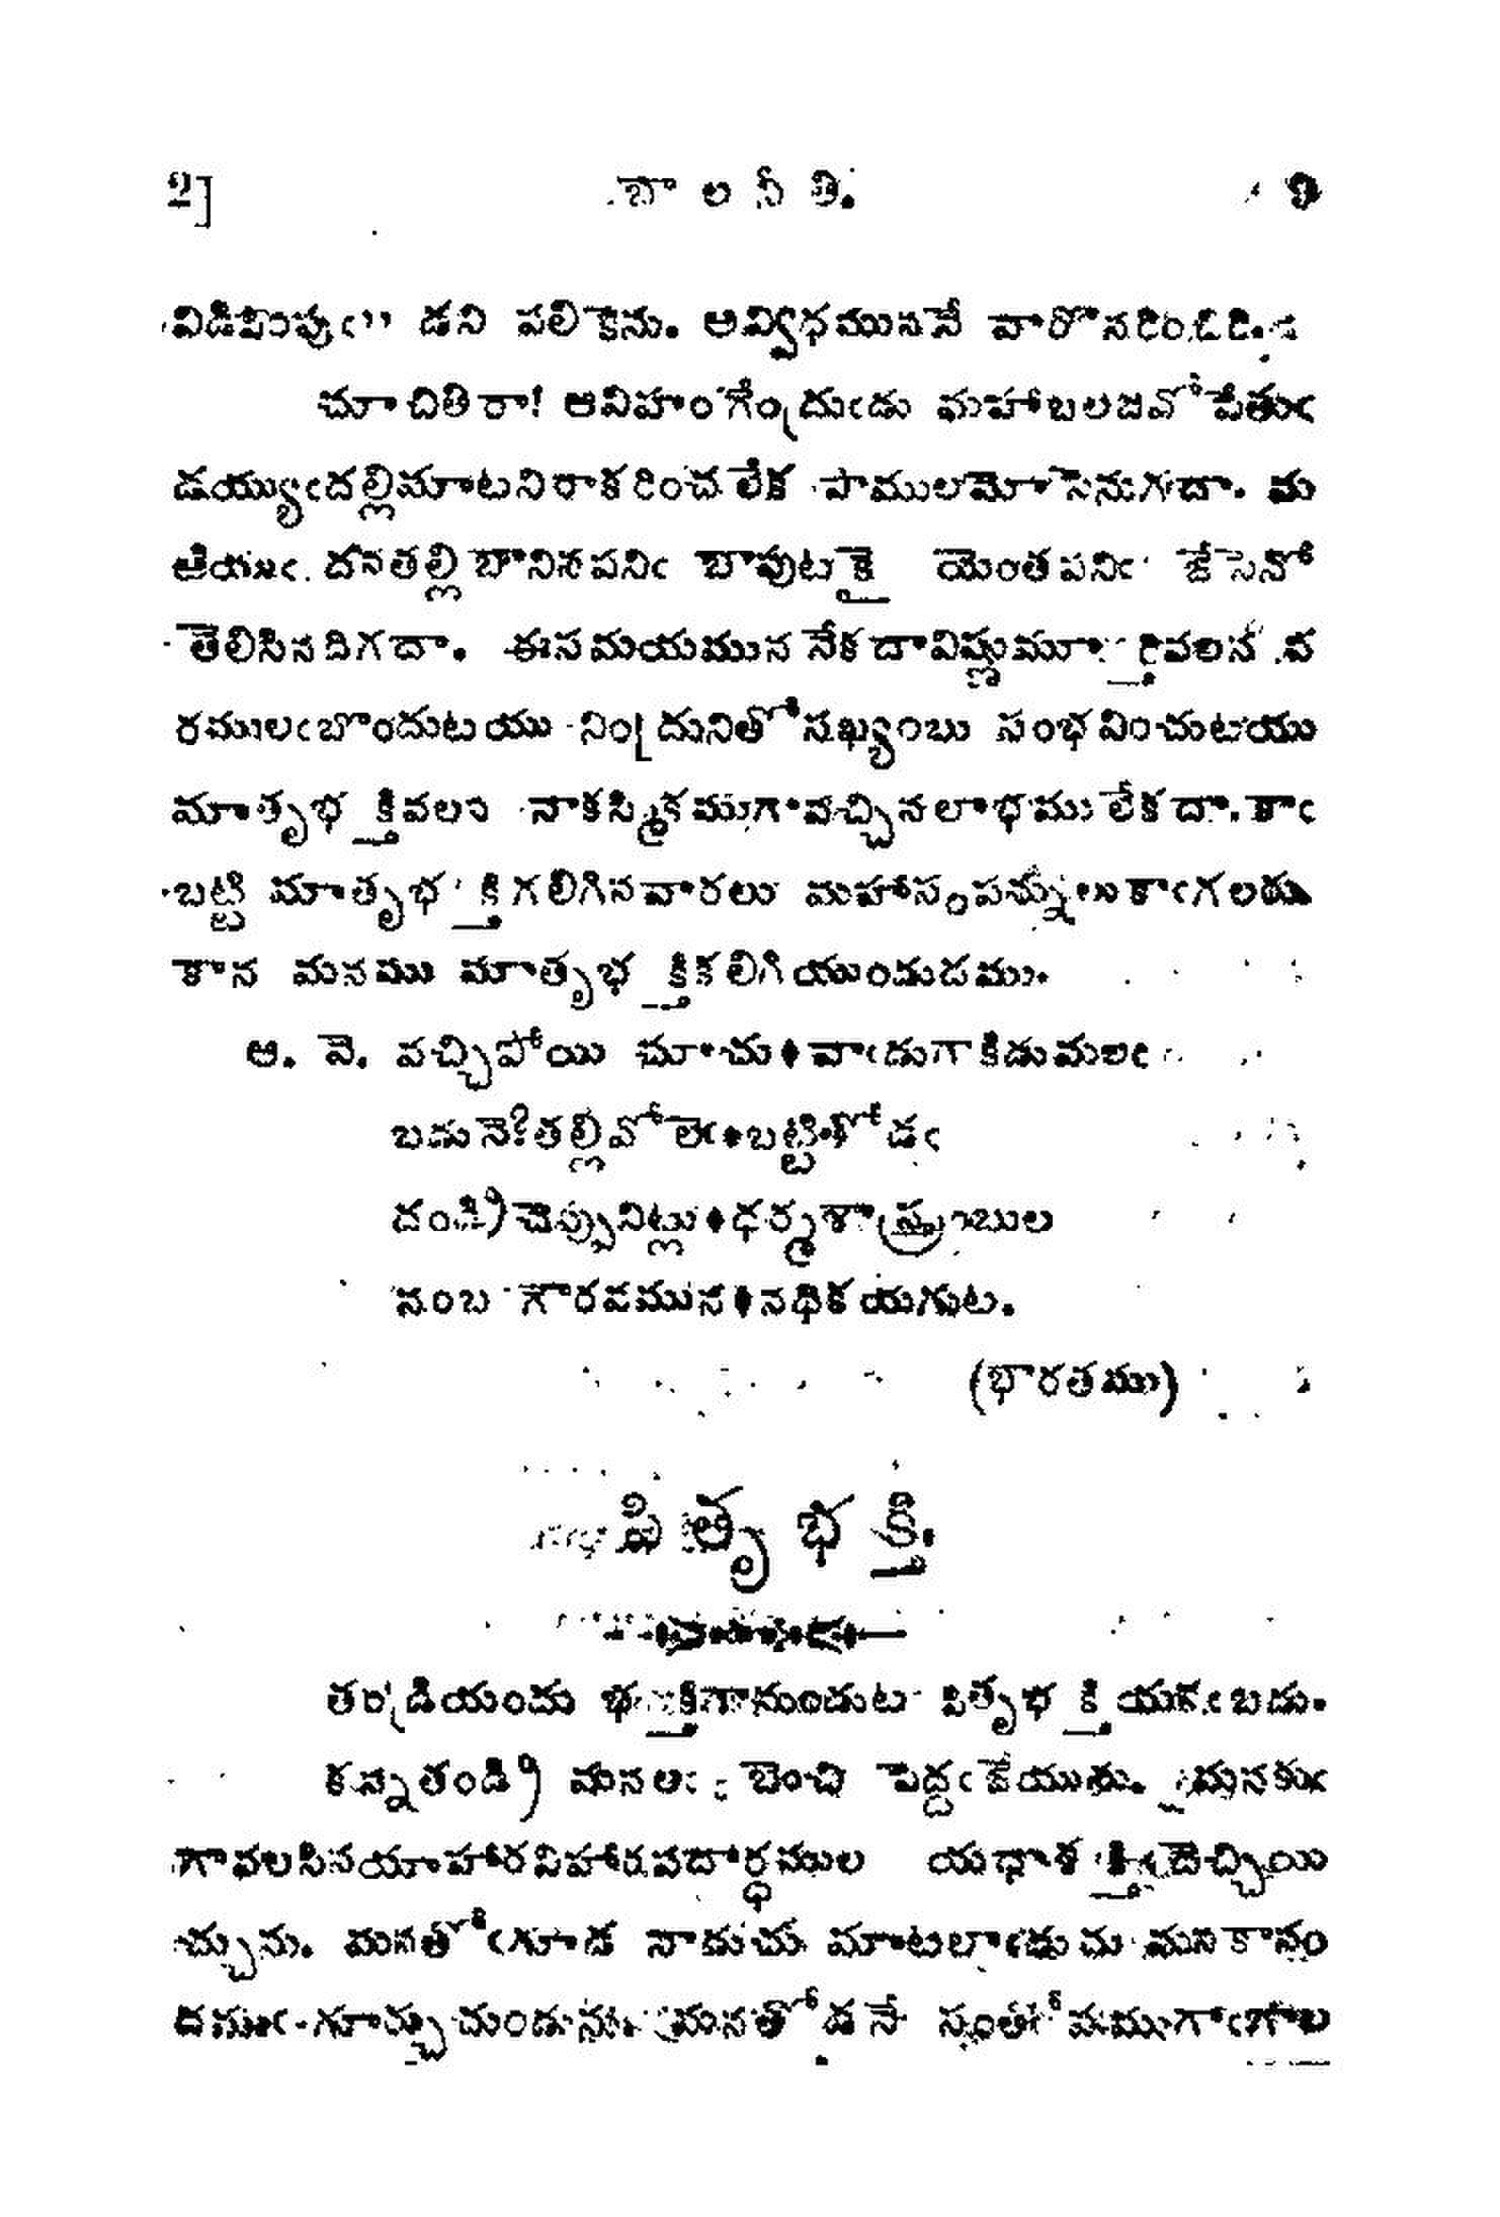విడిపింపుఁ" డని పలికెను. అవ్విధముననే వారొనరించిరి.

చూచితిరా! ఆవిహంగేంద్రుఁడు మహాబలజవోపేతుఁ
డయ్యుఁదల్లిమాటనిరాకరించలేక పాములమోసెనుగదా. మ
ఱియుఁ దనతల్లిబానిసపని బాపుటకై యెంతపనిఁ జేసెనో 
తెలిసినదిగదా. ఈసమయమున నేకదావిష్ణుమూర్తివలన వ
రములఁబొందుటయు నింద్రునితోసఖ్యంబు సంభవించుటయు 
మాతృభక్తివలన నాకస్మికముగావచ్చిన లాభములేకదా. కాఁ
బట్టి మాతృభక్తిగలిగినవారలు మహాసంపన్నులుకాఁగలరు. 
కాన మనము మాతృభక్తి కలిగియుండుదము.

ఆ. వె. వచ్చిపోయి చూచు ♦ వాఁడుగాకిడుమలఁ
 బడునె? తల్లివోలెఁ ♦ బట్టితోడఁ
 దండ్రిచెప్పునిట్లు ♦ ధర్మశాస్త్రంబుల
 నంబ గౌరవమున ♦ నధికయగుట.
 (భారతము)

పితృభక్తి.

తండ్రియందు భక్తిగానుండుట పితృభక్తి యనఁబడు.

కన్నతండ్రి మనలఁ బెంచి పెద్దఁజేయును. మనకుఁ
గావలసినయాహారవిహారపదార్దముల యధాశక్తిఁదెచ్చియి
చ్చును. మనతోఁగూడ నాడుచు మాటలాఁడుచు మనకానం
దముఁ గూర్చుచుండును. మనతోడనే సంతోషముగాఁగాల